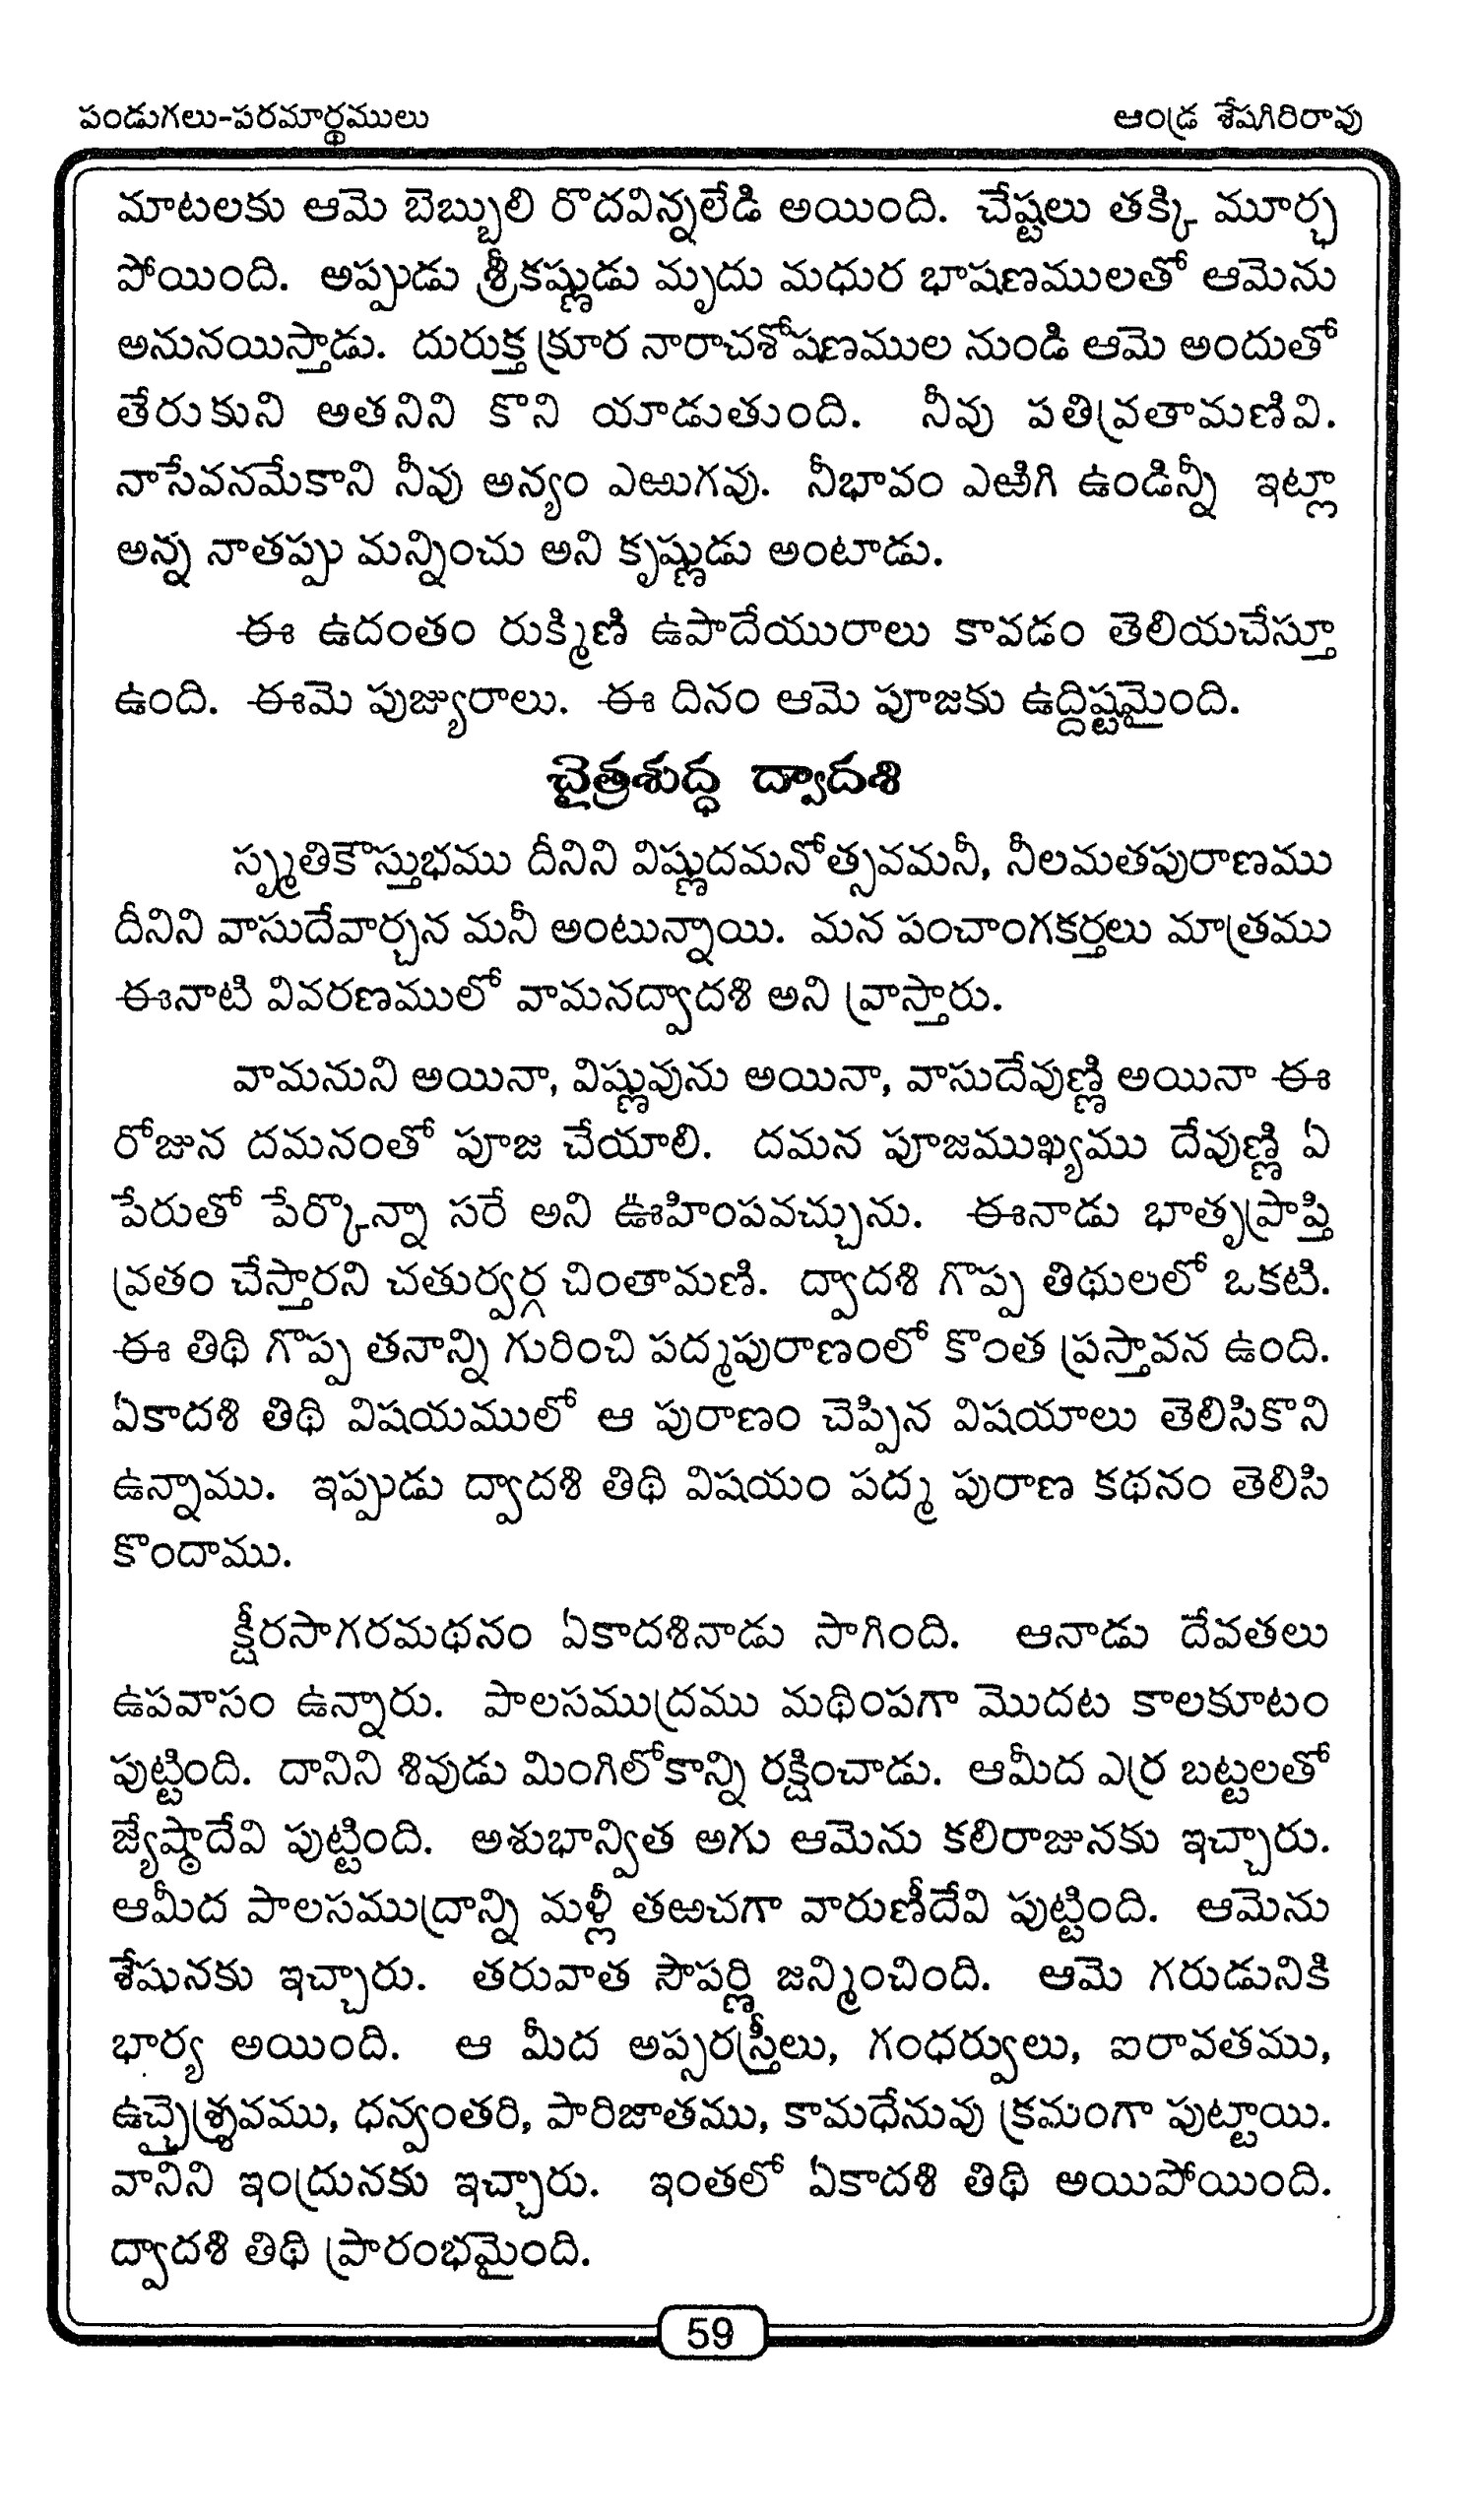మాటలకు ఆమె బెబ్బులి రొదవిన్నలేడి అయింది. చేష్టలు తక్కి మూర్చ పొయింది. అప్పుడు శ్రీకృష్ణుడు మృదు మధుర భాషణములతో ఆమెను అనునయిస్తాడు. దురుక్తక్రూర నరాచశోషణముల నుండి ఆమె అందుతో తేరుకుని అతనిని కొని యాడుతుంది. నీవు పతివ్రతామణివి. నాసేవనమేకాని నీవు అన్యం ఎఱుగవు. నీభావం ఎఱిగి ఉండిన్నీ ఇట్లా అన్ననాతప్పు మన్నించు అని కృష్ణుడు అంటాడు.

 ఈ ఉదంతం రుక్మిణి ఉపాదేయురాలు కావడం తెలియచేస్తూ ఉంది. ఈమె పూజ్యురాలు. ఈ దినం ఆమె పూజకు ఉద్దిష్టమైంది.

 చైత్రశుద్ధ ద్వాదశి

 స్మృతికౌస్తుభము దీనిని విష్ణుదమనోత్సవమనీ, నీలమతపురాణము దీనిని వాసుదేవార్చన మనీ అంటున్నాయి. మన పంచాంగకర్తలు మాత్రము ఈనాటి వివరణములో నామనద్వాదశి అని వ్రాస్తారు.

 వామనుని అయినా, విష్ణువును అయినా, వాసుదేవుణ్ణి అయినా ఈ రోజున దమనంతో పూజ చేయాలి. దమన పూజముఖ్యము దేవుణ్ణి ఏ పేరుతో పేర్కొన్నా సరే అని ఊహింపవచ్చును. ఈనాడు భాతృప్రాప్తి వ్రతం చేస్తారని చర్వర్గ చింతామణి. ద్వాదశి గొప్ప తిధులలో ఒకటి. ఈ తిధి గొప్పతనాన్ని గురించి పద్మపురాణంలో కొంత ప్రస్తావన ఉంది. ఏకాదశి తిధి విషయములో ఆ పురాణం చెప్పిన విషయాలు తెలిసికొని ఉన్నాము. ఇప్పుడు ద్వాదశి తిధి విషయం పద్మ పురాణ కధనం తెలిసి కొందాము.

 క్షీరసాగరమధనం ఏకాదశినాడు సాగింది. ఆనాడు దేవతలు ఉపవాసం ఉన్నారు. పాలసముద్రము మధింపగా మొదట కాలకూటం పుట్టింది. దానిని శివుడు మింగిలోకాన్ని రక్షించాడు. ఆమీద ఎర్ర బట్టలతో జ్యేష్ఠాదేవి పుట్టింది. ఆశుభాంవిత అగు ఆమెను కలిరాజునకు ఇచ్చారు. ఆమీద పాలసముద్రాన్ని మళ్లీ తఱచగా వారుణీదేవి పుట్టింది. ఆమెను శేషునకు ఇచ్చారు. తరువాత సౌవర్ణి జన్మించింది. ఆమె గరుడునికి భార్య అయింది. ఆ మీద అప్సరస్త్రీలు, గందర్వులు, ఐరావతము, ఉచ్చైశ్ర్వవం, దన్వంతరి, పారిజాతము, కామధేనువు క్రమంగా పుట్టాయి. వానిని ఇంద్రునకు ఇచ్చారు. ఇంతలో ఏకాదశి తిధి అయిపోయింది. ద్వాదశి తిధి ప్రారంభమైంది.